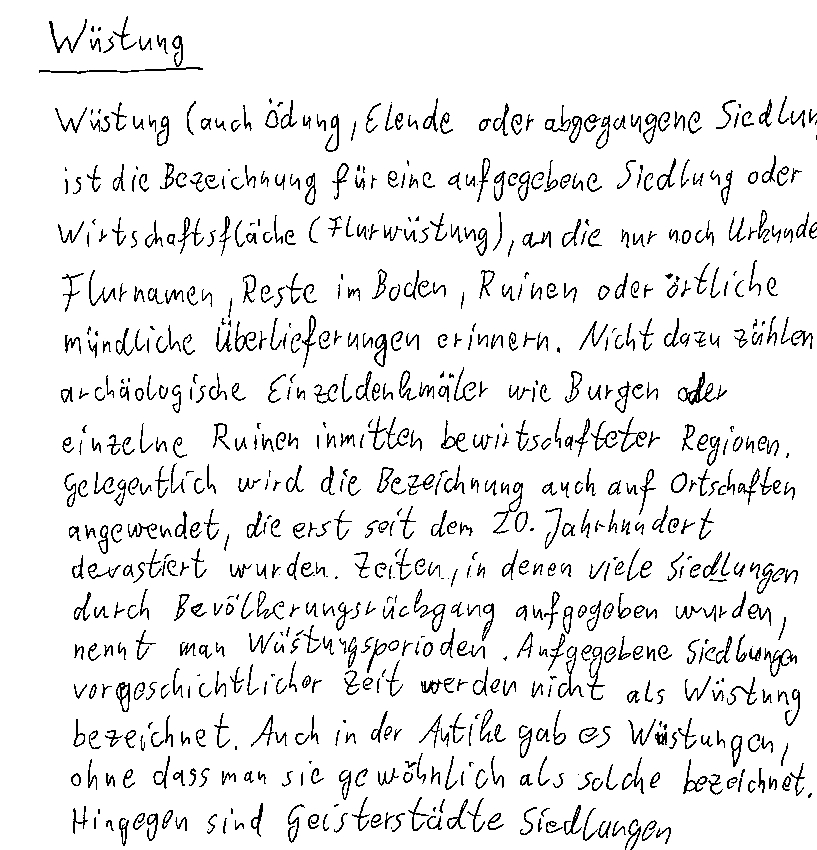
Wüstung
Wüstung (auch Ödung, Elende oder abgegangene Siedlun
ist die Bezeichnung für eine aufgegebene Siedlung oder
Wirtschaftsfläche (Flurwüstung), an die nur noch Urkunde
Flurnamen, Reste im Boden, Ruinen oder örtliche
mündliche Überlieferungen erinnern. Nicht dazu zählen
archäologische Einzeldenkmäler wie Burgen oder
einzelne Ruinen inmitten bewirtschafteter Regionen.
gelegentlich wird die Bezeichnung auch auf Ortschaften
angewendet, die erst seit dem 20. Jahrhundert
devastiert wurden. Zeiten, in denen viele Siedlungen
durch Bevölkerungsrückgang aufgegeben wurden,
nennt man Wüstungsperioden. Aufgegebene Siedlungen
vorgeschichtlicher Zeit werden nicht als Wüstung
bezeichnet. Auch in der Antike gab es Wüstungen,
ohne dass man sie gewöhnlich als solche bezeichnet.
Hingegen sind Geisterstädte Siedlungen
